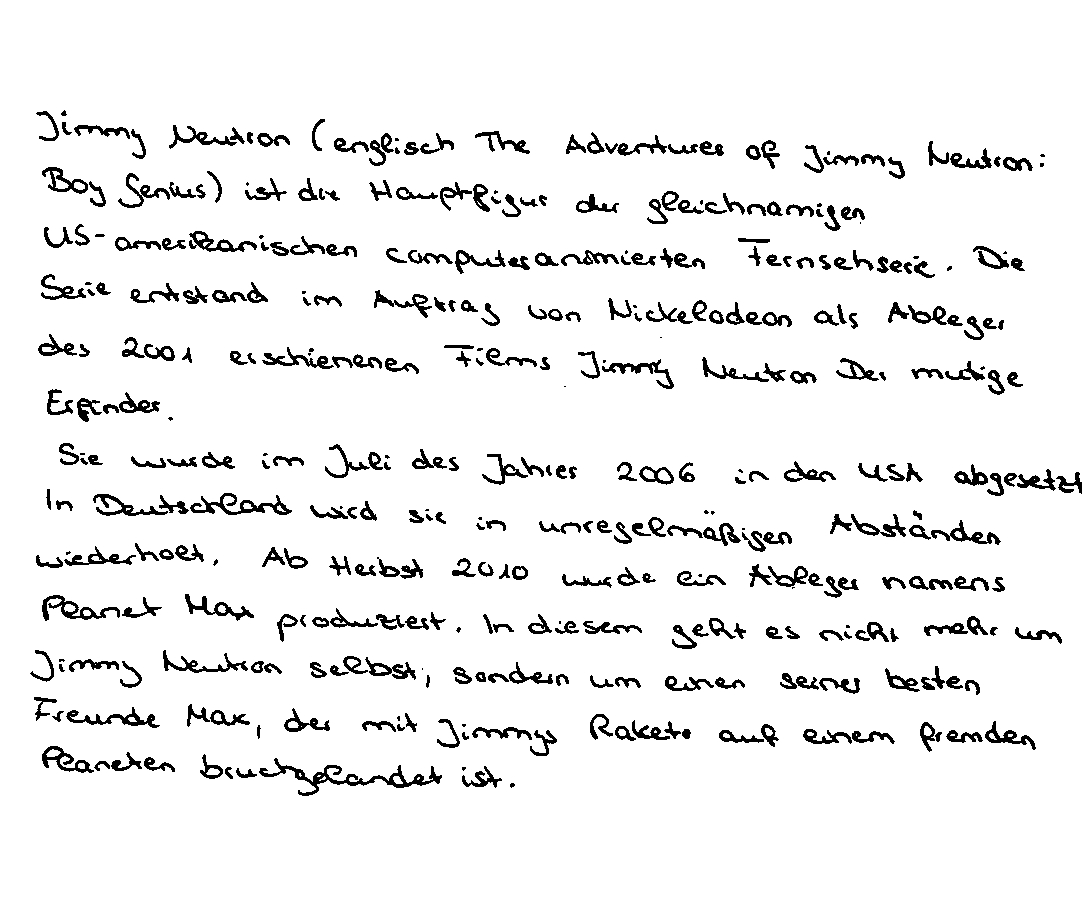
Jimmy Neutron (englisch The Adventures of Jimmy Neutron:
Boy Genius) ist die Hauptfigur der gleichnamigen
US-amerikanischen computeranimierten Fernsehserie. Die
Serie entstand im Auftrag von Nickelodeon als Ableger
des 2001 erschienenen Films Jimmy Neutron Der mutige
Erfinder.
Sie wurde im Juli des Jahres 2006 in den USA abgesetzt.
In Deutschland wird sie in unregelmäßigen Abständen
wiederholt. Ab Herbst 2010 wurde ein Ableger namens
Planet Max produziert. In diesem geht es nicht mehr um
Jimmy Neutron selbst, sondern um einen seiner besten
Freunde Max, der mit Jimmys Rakete auf einem fremden
Planeten bruchgelandet ist.
